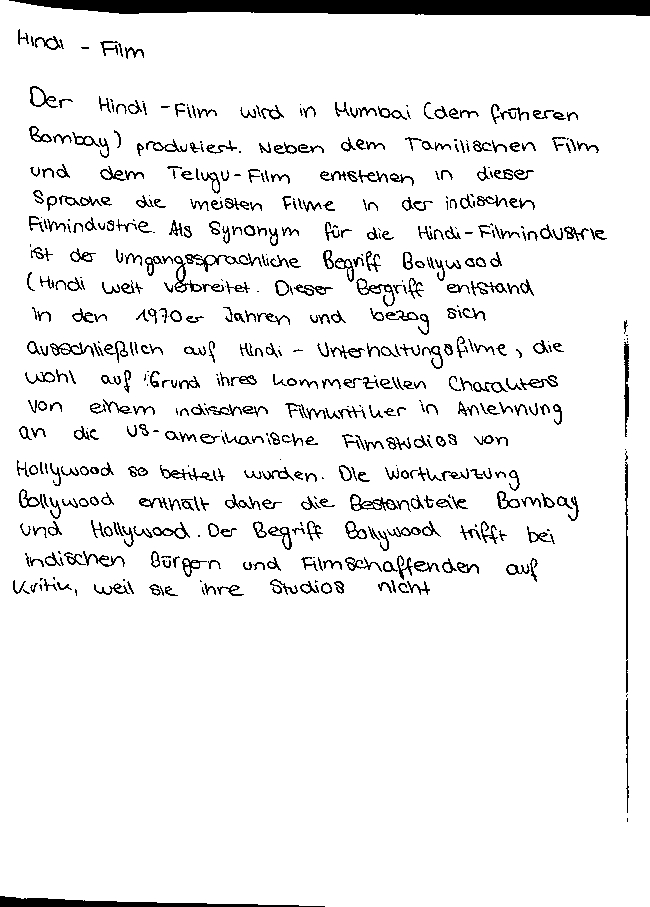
Hindi-Film
Der Hindi-Film wird in Mumbai (dem früheren
Bombay) produziert. Neben dem Tamilischen Film
und dem Telugu-Film entstehen in dieser
Sprache die meisten Filme in der indischen
Filmindustrie. Als Synonym für die Hindi-Filmindustrie
ist der umgangssprachliche Begriff Bollywood
(Hindi weit verbreitet. Dieser Begriff entstand
in den 1970er Jahren und bezog sich
ausschließlich auf Hindi-Unterhaltungsfilme, die
wohl auf Grund ihres kommerziellen Charakters
von einem indischen Filmkritiker in Anlehnung
an die US-amerikanischen Filmstudios von
Hollywood so betitelt wurden. Die Wortkreuzung
Bollywood enthält daher die Bestandteile Bombay
und Hollywood. Der Begriff Bollywood trifft
indischen Bürgern und Filmschaffenden auf
Kritik, weil sie ihre Studios nicht
